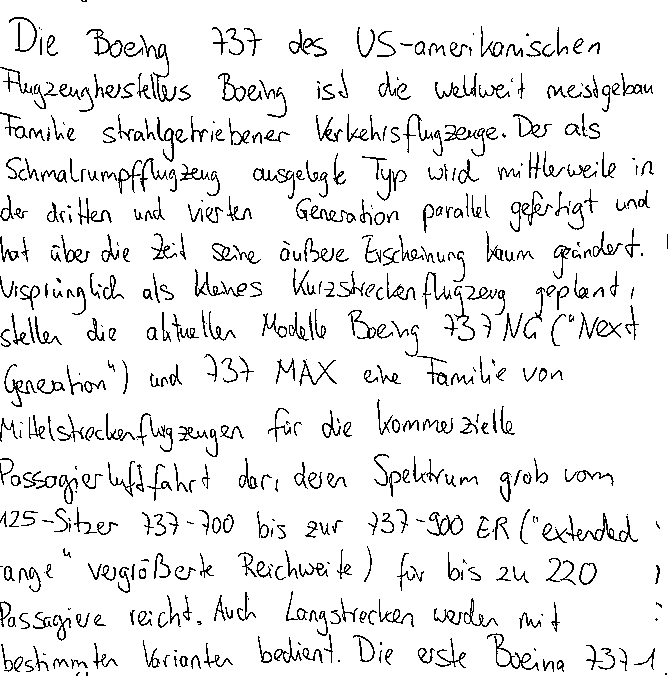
Die Boeing 737 des US-amerikanischen
Flugzeugherstellers Boeing ist die weltweit meistgebau
Familie strahlgetriebener Verkehrsflugzeuge. Der als
Schmalrumpfflugzeug ausgelegte Typ wird mittlerweile in
der dritten und vierten Generation parallel gefertigt und
hat über die Zeit seine äußere Erscheinung kaum geändert.
Ursprünglich als kleines Kurzstreckenflugzeug geplant,
stellen die aktuellen Modelle Boeing 737NG ("Next
Generation") und 737 MAX eine Familie von
Mittelstreckenflugzeugen für die kommerzielle
Passagierluftfahrt dar, deren Spektrum grob vom
125-Sitzer 737-700 bis zur 737-900ER ("extended
range" vergrößerte Reichweite) für bis zu 220
Passagiere reicht. Auch Langstrecken werden mit
bestimmten Varianten bedient. Die erste Boeing 737-1
